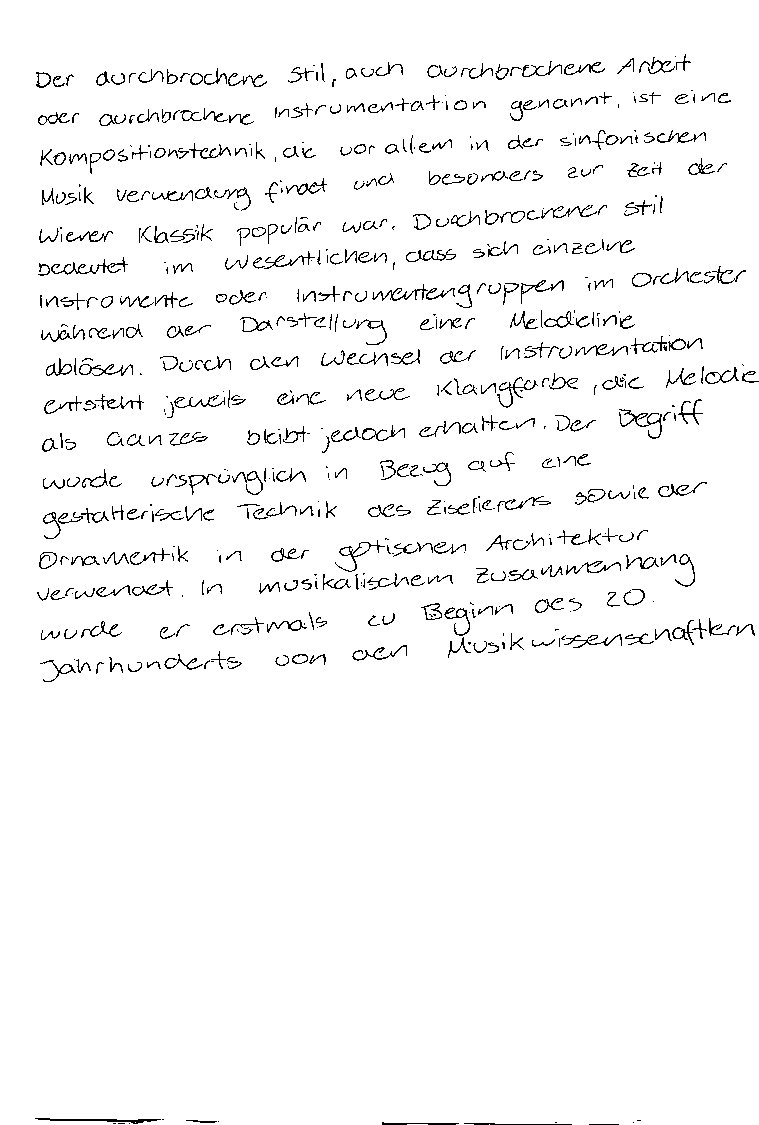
Der durchbrochene Stil, auch durchbrochene Arbeit
oder durchbrochene Instrumentation genannt, ist eine
Kompositionstechnik, die vor allem in der sinfonischen
Musik Verwendung findet und besonders zur Zeit der
Wiener Klassik populär war. Durchbrochener Stil
bedeutet im Wesentlichen, dass sich einzelne
Instrumente oder Instrumentengruppen im Orchester
während der Darstellung einer Melodielinie
ablösen. Durch den Wechsel der Instrumentation
entsteht jeweils eine neue Klangfarbe, die Melodie
als Ganzes bleibt jedoch erhalten.Der Begriff
wurde ursprünglich in Bezug auf eine
gestalterische Technik des Ziselierens sowie die
Ornamentik in der gotischen Architektur
verwendet. In musikalischem Zusammenhang
wurde er erstmals zu Beginn des 20
Jahrhunderts von den Musikwissenschaftlern
